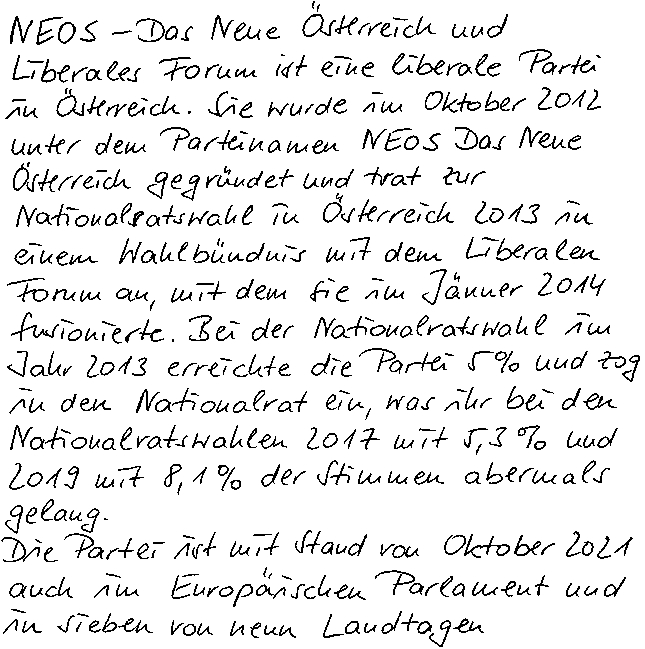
NEOS – Das Neue Österreich und
Liberales Forum ist eine liberale Partei
in Österreich. Sie wurde im Oktober 2012
unter dem Parteinamen NEOS Das Neue
Österreich gegründet und trat zur
Nationalratswahl in Österreich 2013 in
einem Wahlbündnis mit dem Liberalen
Forum an, mit dem sie im Jänner 2014
fusionierte. Bei der Nationalratswahl im
Jahr 2013 erreichte die Partei 5 % und zog
in den Nationalrat ein, was ihr bei den
Nationalratswahlen 2017 mit 5,3 % und
2019 mit 8,1 % der Stimmen abermals
gelang.
Die Partei ist mit Stand von Oktober 2021
auch im Europäischen Parlament und
in sieben von neun Landtagen
